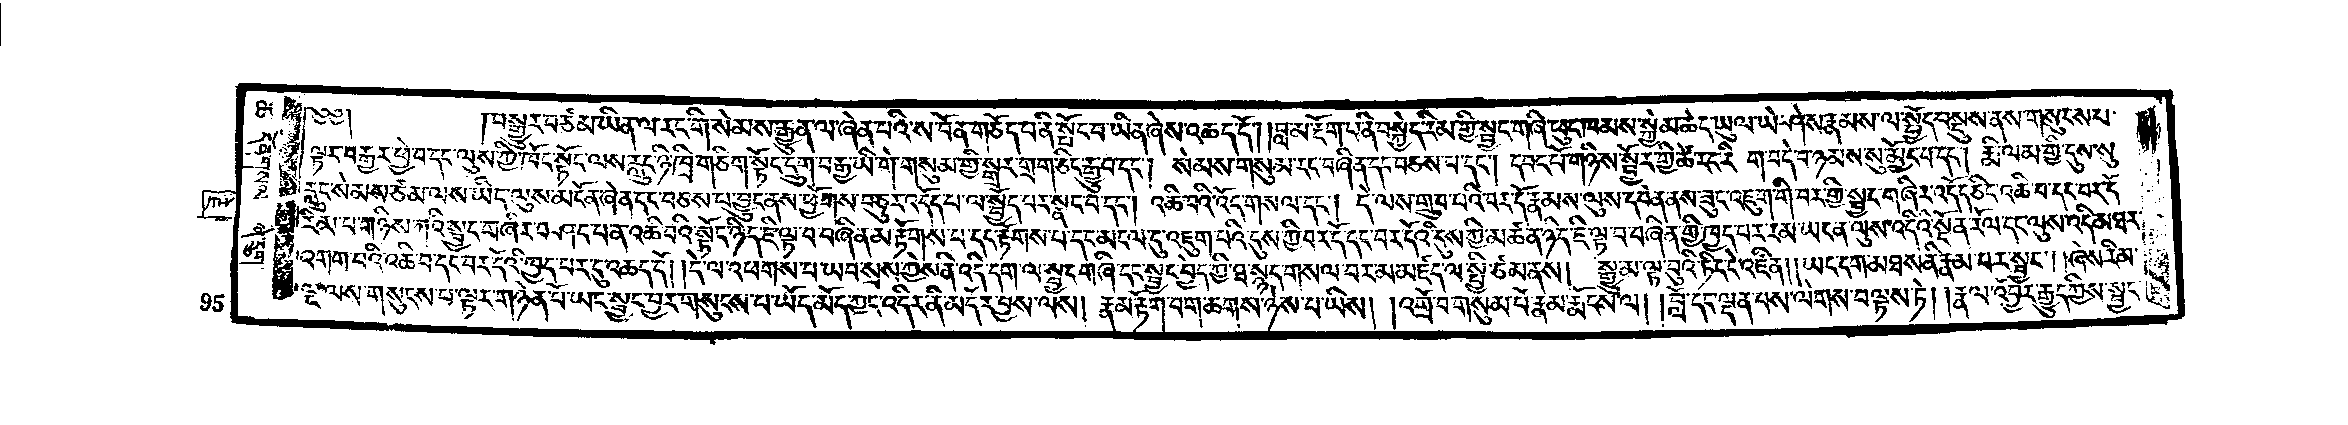༄༅། །བསྒྱུར་བ་ཙམ་ཡིན་ལ་རང་གི་སེམས་རྒྱུན་ལ་ཞེན་པའི་ས་བོན་གཅོད་པ་ནི་སྤོང་བ་ཡིན་ཞེས་འཆད་དོ། །བླ་མ་རྡོག་པ་ནི་བསྐྱེད་རིམ་གྱི་སྦྱང་གཞི་ཕུང་ཁམས་སྐྱེ་མཆེད་ཡུལ་ཡེ་ཤེས་རྣམས་ལ་སྤྱོད་བསྡུས་ནས་གསུངས་པ་
ལྟར་བརྒྱར་ཕྱེ་བ་དང་ལུས་ཀྱི་ཁོང་སྟོང་ལས་རླུང་ཉི་ཁྲི་གཅིག་སྟོང་དྲུག་བརྒྱ་ཡི་གེ་གསུམ་གྱི་སྒྲར་གྲག་ཅིང་རྒྱུ་བ་དང་། སེམས་གསུམ་རང་བཞིན་དང་བཅས་པ་དང་། དབང་པོ་གཉིས་སྦྱོར་གྱི་ཚེ་རང་རིག་བདེ་བ་ཉམས་སུ་མྱོང་བ་དང་། རྨི་ལམ་གྱི་དུས་སུ་
རླུང་སེམས་ཙམ་ལས་ཡིད་ལུས་མངོན་ཞེན་དང་བཅས་པ་བྱུང་ནས་ཕྱོགས་བཅུར་འདོད་པ་ལ་སྤྱོད་པར་སྣང་བ་དང་། འཆི་བའི་འོད་གསལ་དང་། དེ་ལས་གྲུབ་པའི་བར་དོ་རྣམས་ལུས་དབེན་ནས་ཟུང་འཇུག་གི་བར་གྱི་སྦྱང་གཞིར་འདོད་ཅིང་འཆི་བ་དང་བར་དོ་
རིམ་པ་གཉིས་ཀའི་སྦྱང་གཞིར་བཤད་པ་ནི་འཆི་བའི་སྟོང་ཉིད་ཇི་ལྟ་བ་བཞིན་མ་རྟོགས་པ་དང་རྟོགས་པ་དང་མངལ་དུ་འཇུག་པའི་དུས་ཀྱི་བར་དོ་དང་བར་དོའི་དུས་ཀྱི་མཚན་ཉིད་ཇི་ལྟ་བ་བཞིན་གྱི་ཁྱད་པར་རམ་ཡང་ན་ལུས་འདིའི་སྔོན་རོལ་དང་ལུས་འདི་མཐར་
འགག་པའི་འཆི་བ་དང་བར་དོའི་ཁྱད་པར་དུ་འཆད་དོ། །དེ་ལ་འཕགས་པ་ཡབ་སྲས་ཀྱིས་ནི་འདི་དག་ལ་སྦྱང་གཞི་དང་སྦྱང་བྱེད་ཀྱི་ཐ་སྙད་གསལ་བར་མ་མཛད་ལ་སྤྱི་ཙམ་ནས། སྒྱུ་མ་ལྟ་བུའི་ཏིང་ངེ་འཛིན། །ཡང་དག་མཐས་ནི་རྣམ་པར་སྦྱང་། །ཞེས་རི་
ལྔ་ལས་གསུངས་པ་ལྟར་གཉེན་པོ་ཡང་སྦྱང་བྱར་གསུངས་པ་ཡོད་མོད་ཀྱང་འདིར་ནི་མདོར་བྱས་ལས། རྣམ་རྟོག་བག་ཆགས་ཉེས་པ་ཡིས། །འགྲོ་བ་གསུམ་པོ་རྣམ་རྨོངས་ལ། །བློ་དང་ལྡན་པས་ལེགས་བལྟས་ཏེ། །རྣལ་འབྱོར་རྒྱུད་ཀྱིས་སྦྱང་